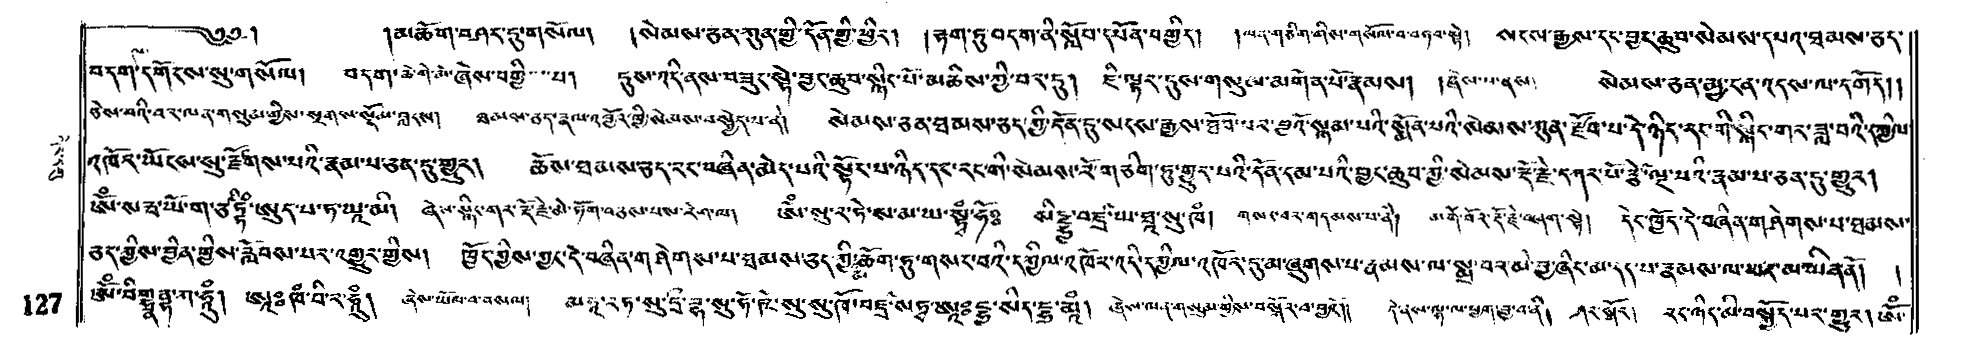༄༅། །མཆོག་བཤད་དུ་གསོལ། །སེམས་ཅན་ཀུན་གྱི་དོན་གྱི་ཕྱིར། །རྟག་ཏུ་བདག་ནི་སློབ་དཔོན་བགྱིད། །ལན་གཅིག་གིས་གསོལ་བ་བཏབ་སྟེ།  སངས་རྒྱས་དང་བྱང་ཆུབ་སེམས་དཔའ་ཐམས་ཅད་
བདག་ལ་དགོངས་སུ་གསོལ། བདག་ཆེ་གེ་མེ་ཞེས་བགྱི་པ། དུས་འདི་ནས་བཟུང་སྟེ་བྱང་ཆུབ་སྙིང་པོ་མཆིས་ཀྱི་བར་དུ། ཇི་ལྟར་དུས་གསུམ་མགོན་པོ་རྣམས། །ཞེས་པ་ནས།  སེམས་ཅན་མྱ་ངན་འདས་ལ་དགོད།།
ཅེས་བའི་བར་ལན་གསུམ་གྱིས་སྔགས་སྡོམ་བླངས། ཐམས་ཅད་རྣལ་འབྱོར་གྱི་སེམས་བསྐྱེད་པ་ནི།  སེམས་ཅན་ཐམས་ཅད་ཀྱི་དོན་དུ་སངས་རྒྱས་ཐོབ་པར་བྱའོ་སྙམ་པའི་སྨོན་པའི་སེམས་ཀུན་རྫོབ་པ་དེ་ཉིད་རང་གི་སྙིང་གར་ཟླ་བའི་དཀྱིལ་
འཁོར་ཡོངས་སུ་རྫོགས་པའི་རྣམ་པ་ཅན་དུ་གྱུར། ཆོས་ཐམས་ཅད་རང་བཞིན་མེད་པའི་སྟོང་པ་ཉིད་དང་རང་གི་སེམས་རོ་གཅིག་ཏུ་གྱུར་པའི་དོན་དམ་པའི་བྱང་ཆུབ་ཀྱི་སེམས་རྡོ་རྗེ་དཀར་པོ་རྩེ་ལྔ་པའི་རྣམ་པ་ཅན་དུ་གྱུར།
ཨོཾ་སརྦ་ཡོ་ག་ཙཏྟིཾ་ཨུད་པ་ཏ་ཡཱ་མི། ཞེས་སྙིང་གར་རྡོ་རྗེ་མེ་ཏོག་བཅས་པས་རེག་ལ།  ཨོཾ་སུ་ར་ཏེ་ས་མ་ཡ་སྟྭཾ་ཧོཿ སིདྡྷྱ་བཛྲ་ཡ་ཐཱ་སུ་ཁཾ། གསང་བར་གདམས་པ་ནི། མགོ་བོར་རྡོ་རྗེ་བཞག་སྟེ།  དེང་ཁྱོད་དེ་བཞིན་གཤེགས་པ་ཐམས་
ཅད་ཀྱིས་བྱིན་གྱིས་རློབས་པར་འགྱུར་གྱིས། ཁྱོད་ཀྱིས་ཀྱང་དེ་བཞིན་གཤེགས་པ་ཐམས་ཅད་ཀྱི་མཆོག་ཏུ་གསང་བའི་དཀྱིལ་འཁོར་འདི་དཀྱིལ་འཁོར་དུ་མ་ཞུགས་པ་རྣམས་ལ་སྨྲ་བར་མི་བྱ་ཞིང་མ་དད་པ་རྣམས་ལ་ཡང་མ་ཡིན་ནོ། །
ཨོཾ་བིགྷྣནྟ་ཀ་ཧཱུཾ། ཨཱཿ ཁཾ་བི་ར་ཧཱུཾ། ཞེས་ཡོལ་བ་བསལ།  མཧཱ་རཏ་སུ་དྲྀ་ཌྷ་སུ་ཏོ་ཥེ་སུ་སུ་ཁོ་བཛྲ་སཏྭ་ཨཱཿ དྷ་སིད་དྷ་མཱཾ། ཞེས་ལན་གསུམ་གྱིས་བསྐོར་བ་བྱའོ།། དེ་ནས་ལྷ་ལ་ཕྱག་བྱ་བ་ནི། ཤར་སྒོར།  རང་ཉིད་མི་བསྐྱོད་པར་གྱུར། ཨོཾ་